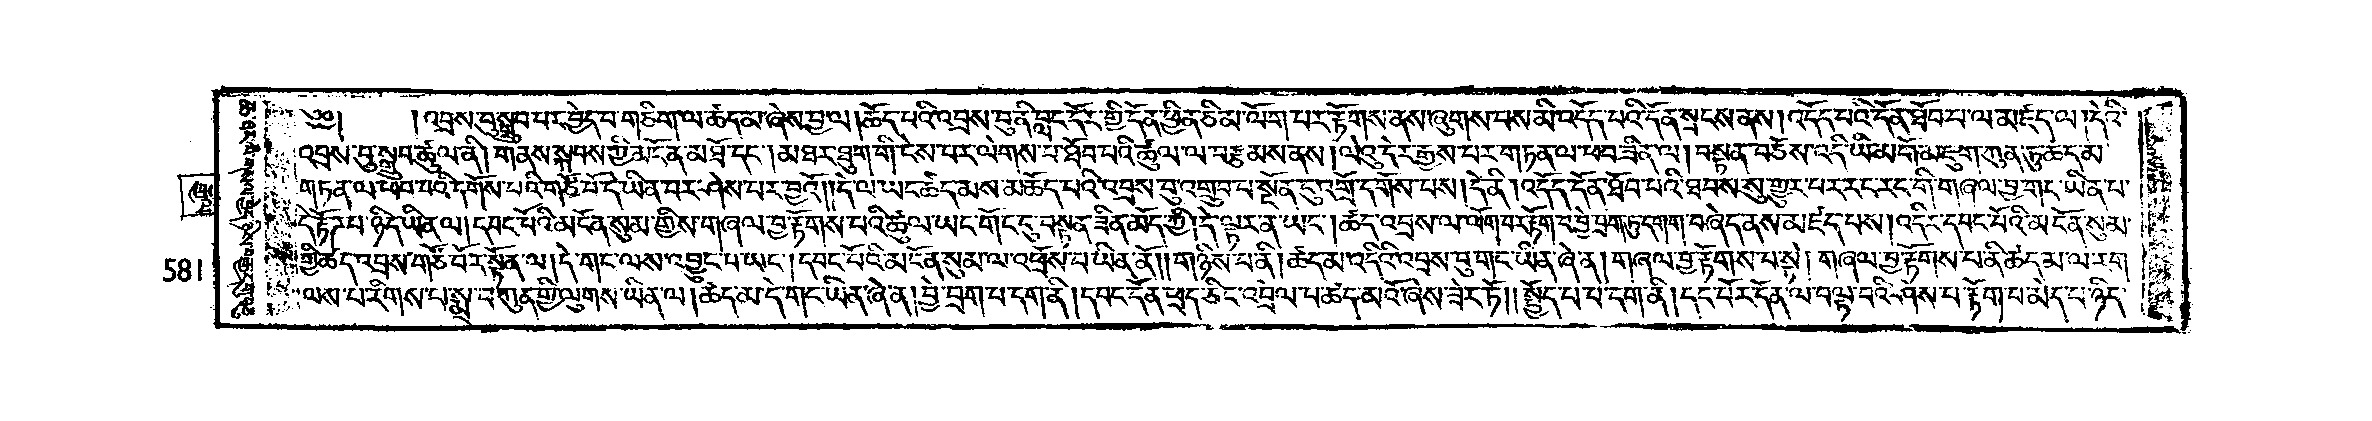༄༅། །འབྲས་བུ་སྒྲུབ་པར་བྱེད་པ་གཅིག་ལ་ཚད་མ་ཞེས་བྱ་ལ། ཆོད་པའི་འབྲས་བུ་ནི་བླང་དོར་གྱི་དོན་ཕྱིན་ཅི་མ་ལོག་པར་རྟོགས་ནས་ཞུགས་པས་མི་འདོད་པའི་དོན་སྲངས་ནས། འདོད་པའི་དོན་ཐོབ་པ་ལ་མཛད་ལ། དེའི་
འབྲས་བུ་སྒྲུབ་ཚུལ་ནི། གནས་སྐབས་ཀྱི་མངོན་མཐོ་དང་། མཐར་ཐུག་གི་ངེས་པར་ལེགས་པ་ཐོབ་པའི་ཚུལ་ལ་བརྩམས་ནས། ལེའུ་དེར་རྒྱས་པར་གཏན་ལ་ཕབ་ཟིན་ལ། བསྟན་བཅོས་འདི་ཡི་མགོ་མཇུག་ཀུན་ཏུ་ཆད་མ་
གཏན་ལ་ཕབ་པའི་དགོས་པའི་གཙོ་བོ་དེ་ཡིན་པར་ཤེས་པར་བྱའོ། །དེ་ལ་ཡང་ཚད་མས་མཆོད་པའི་འབྲས་བུ་འགྲུབ་པ་སྔོན་དུ་འགྲོ་དགོས་པས། དེ་ནི། འདོད་དོན་ཐོབ་པའི་ཐབས་སུ་གྱུར་པར་རང་རང་གི་གཞལ་བྱ་གང་ཡིན་པ་
དེ་རྟོགས་པ་ཉིད་ཡིན་ལ། དབང་པོའི་མངོན་སུམ་གྱིས་གཞལ་བྱ་རྟོགས་པའི་ཚུལ་ཡང་གོང་དུ་བསྟན་ཟིན་མོད་ཀྱི། དེ་ལྟར་ན་ཡང་། ཚད་འབྲས་ལ་ལོག་པར་རྟོག་པ་བྱེ་བྲག་ཏུ་དགག་བཞེད་ནས་མཛད་པས། འདིར་དབང་པོའི་མངོན་སུམ་
གྱི་ཚད་འབྲས་གཙོ་བོར་སྟོན་ལ། དེ་གང་ལས་འབྱུང་བ་ཡང་། དབང་པོའི་མངོན་སུམ་ལ་འཕྲོས་པ་ཡིན་ནོ། །གཉིས་པ་ནི། ཚད་མ་འདིའི་འབྲས་བུ་གང་ཡིན་ཞེ་ན། གཞལ་བྱ་རྟོགས་པ་སྟེ། གཞལ་བྱ་རྟོགས་པ་ནི་ཚད་མ་ལ་རག་
ལས་པ་རིགས་པ་སྨྲ་བ་ཀུན་གྱི་ལུགས་ཡིན་ལ། ཚད་མ་དེ་གང་ཡིན་ཞེ་ན། བྱེ་བྲག་པ་དག་ནི། དབང་དོན་ཕྲད་ཅིང་འབྲེལ་པ་ཚད་མའོ་ཞེས་ཟེར་ཏོ། །སྤྱོད་པ་པ་དག་ནི། དང་པོར་དོན་ལ་བལྟ་བའི་ཤེས་པ་རྟོག་པ་མེད་པ་ཉིད་